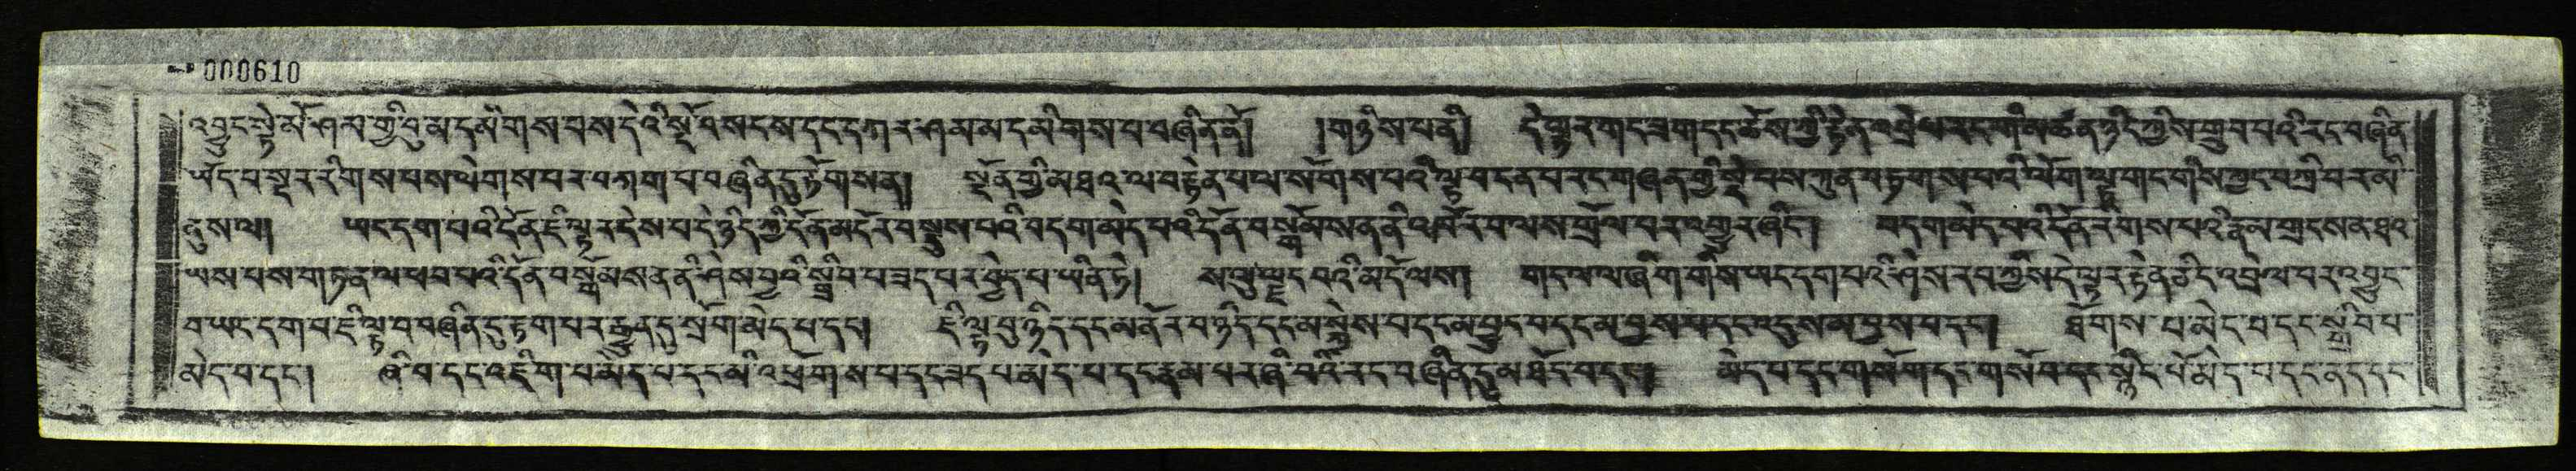འབྱུང་སྟེ་མོ་ཤམ་གྱི་བུ་མ་དམིགས་པས་དེའི་སྔོ་བསངས་དང་དཀར་ཤམ་མ་དམིགས་པ་བཞིན་ནོ། །གཉིས་པ་ནི། དེ་ལྟར་གང་ཟག་དང་ཆོས་ཀྱི་རྟེན་འབྲེལ་རང་གི་མཚན་ཉིད་ཀྱིས་གྲུབ་པའི་རང་བཞིན་
ཡོད་པ་སྔར་རིགས་པས་ལེགས་པར་བཀག་པ་བཞིན་དུ་རྟོགས་ན། སྔོན་གྱི་མཐའ་ལ་བརྟེན་པ་ལ་སོགས་པའི་ལྟ་བ་ངན་པ་རང་གཞན་གྱི་སྡེ་བས་ཀུན་བཏགས་པའི་ལོག་ལྟ་གང་གིས་ཀྱང་བཀྲི་བར་མི་
ནུས་ལ། ཡང་དག་པའི་དོན་ཇི་ལྟར་ངེས་པ་དེ་ཉིད་ཀྱི་དོན་མདོར་བསྡུས་པའི་བདག་མེད་པའི་དོན་བསྒོམས་ན་ནི་འཁོར་བ་ལས་གྲོལ་བར་འགྱུར་ཞིང་། བདག་མེད་པའི་དོན་རིགས་པའི་རྣམ་གྲངས་མཐའ་
ཡས་པས་གཏན་ལ་ཕབ་པའི་དོན་བསྒོམས་ན་ནི་ཤེས་བྱའི་སྒྲིབ་པ་ཟད་པར་བྱེད་པ་ཡིན་ཏེ། ས་ལུ་ལྗང་བའི་མདོ་ལས། གང་ལ་ལ་ཞིག་གིས་ཡང་དག་པའི་ཤེས་རབ་ཀྱིས་དེ་ལྟར་རྟེན་ཅིང་འབྲེལ་བར་འབྱུང་
བ་ཡང་དག་པ་ཇི་ལྟ་བ་བཞིན་དུ་རྟག་པར་རྒྱུན་དུ་སྲོག་མེད་པ་དང་། ཇི་ལྟ་བུ་ཉིད་དང་མནོར་བ་ཉིད་དང་མ་སྐྱེས་པ་དང་མ་བྱུང་བ་དང་མ་བྱས་པ་དང་འདུས་མ་བྱས་པ་དང་། ཐོགས་པ་མེད་པ་དང་སྒྲིབ་པ་
མེད་པ་དང་། ཞི་བ་དང་འཇིག་པ་མེད་པ་དང་མི་འཕྲོགས་པ་དང་ཟད་པ་མེད་པ་དང་རྣམ་པར་ཞི་བའི་རང་བཞིན་དུ་མཐོང་བ་དང་། མེད་པ་དང་གསོག་དང་གསོབ་དང་སྙིང་པོ་མེད་པ་དང་ནད་དང་